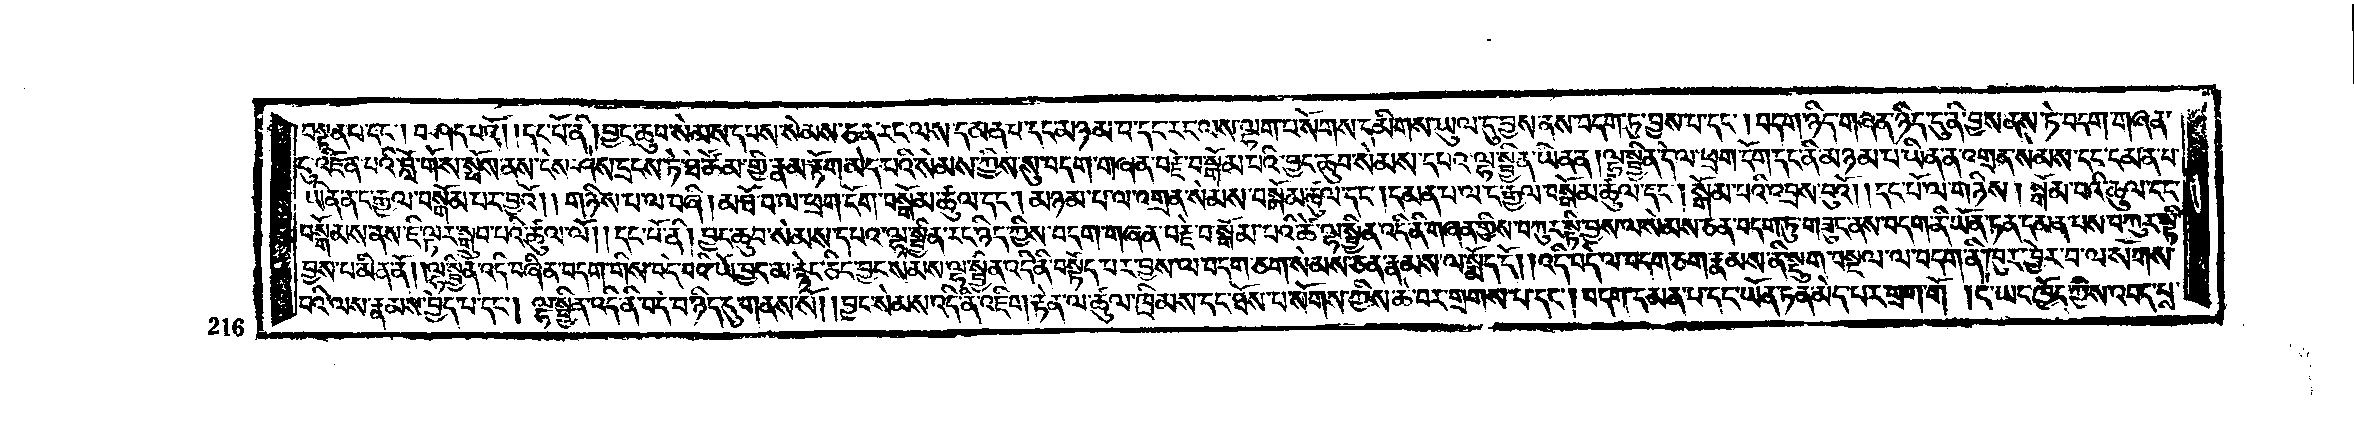བསྟན་པ་དང་། བཤད་པའོ། །དང་པོ་ནི། བྱང་ཆུབ་སེམས་དཔས་སེམས་ཅན་རང་ལས་དམན་པ་དང་མཉམ་པ་དང་རང་ལས་ལྷག་པ་སོགས་དམིགས་ཡུལ་དུ་བྱས་ནས་བདག་ཏུ་བྱས་པ་དང་། བདག་ཉིད་གཞན་ཉིད་དུ་ནི་བྱས་ནས་ཏེ་བདག་གཞན་
དུ་འཛིན་པའི་བློ་གོ་ས་སྤསྣས་ངེས་ཤེས་དྲངས་ཏེ་ཐེ་ཚོམ་གྱི་རྣམ་རྟོག་མེད་པའི་སེམས་ཀྱིས་སུ་བདག་གཞན་རྗེ་པ་སྒོམ་པའི་བྱང་ཆུབ་སེམས་དཔའ་ལྷ་སྦྱིན་ཡིན་ན། ལྷ་སྦྱིན་དེ་ལ་ཕྲག་དོག་དང་ནི་མཉམ་པ་ཡིན་ན་འགྲན་སེམས་དང་དམན་པ་
ཡིན་ན་ང་རྒྱལ་བསྒོམ་པར་བྱའོ། །གཉིས་པ་ལ་བཞི། མཐོ་བ་ལ་ཕྲག་དོག་བསྒོམ་ཚུལ་དང་། མཉམ་པ་ལ་འགྲན་སེམས་བསྒོམ་ཚུལ་དང་། དམན་པ་ལ་ང་རྒྱལ་བསྒོམ་ཚུལ་དང་། སྒོམ་པའི་འབྲས་བུའོ། །དང་པོ་ལ་གཉིས། སྒོམ་པའི་ཚུལ་དང་།
བསྒོམས་ནས་ཇི་ལྟར་སྒྲུབ་པའི་ཚུལ་ལོ། །དང་པོ་ནི། བྱང་ཆུབ་སེམས་དཔའ་ལྷ་སྦྱིན་རང་ཉིད་ཀྱིས་བདག་གཞན་བརྗེ་པ་སྒོམ་པའི་ཚེ་ལྷ་སྦྱིན་འདི་ནི་གཞན་གྱིས་བཀུར་སྟི་བྱས་ལ་སེམས་ཅན་བདག་ཏུ་གཟུང་ནས་བདག་ནི་ཡོན་ཏན་དམན་པས་བཀུར་སྟི་
བྱས་པ་མིན་ནོ། །ལྷ་སྦྱིན་འདི་བཞིན་བདག་གིས་བདེ་བའི་ཡོ་བྱད་མ་རྙེད་ཅིང་བྱང་སེམས་ལྷ་སྦྱིན་འདི་ནི་བསྟོད་པར་བྱས་ལ་བདག་ཅག་སེམས་ཅན་རྣམས་ལ་སྨོད་དོ། །འདི་བདེ་ལ་བདག་ཅག་རྣམས་ནི་སྡུག་བསྔལ་ལ་བདག་ནི་ཁུར་བྱེརྦ་ལ་སོགས་
པའི་ལས་རྣམས་བྱེད་པ་དང་། ལྷ་སྦྱིན་འདི་ནི་བདེ་བ་ཉིད་དུ་གནས་སོ། །བྱང་སེམས་འདི་ནི་འཇིག་རྟེན་ལ་ཚུལ་ཁྲིམས་དང་ཐོས་པ་སོགས་ཀྱིས་ཆེ་བར་གྲགས་པ་དང་། བདག་དམན་པ་དང་ཡོན་ཏན་མེད་པར་གྲག་གོ། །དེ་ཡང་ཁྱོད་ཀྱིས་འབད་པས་